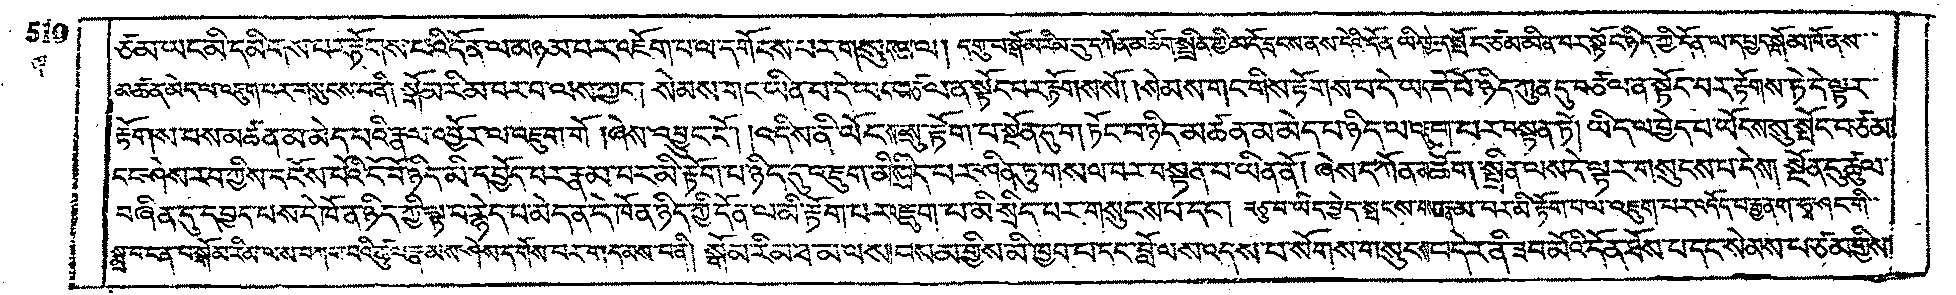ཙམ་ཡང་མི་དམིགས་པར་རྟོགས་པའི་དོན་ལ་མཉམ་པར་འཇོག་པ་ལ་དགོངས་པར་གསུངས་ལ། དགུ་བསྒོམ་རིམ་དུ་དཀོན་མཆོག་སྤྲིན་གྱི་མདོ་དྲངས་ནས་དེའི་དོན་ཡིད་བྱེད་སྤོང་ཙམ་མིན་པར་སྟོང་ཉིད་ཀྱི་དོན་ལ་དཔྱད་སྒོམ་ཁོ་ནས་
མཚན་མེད་ལ་འཇུག་པར་གསུངས་པ་ནི། སྒོམ་རིམ་བར་བ་ལས་ཀྱང་། སེམས་གང་ཡིན་པ་དེ་ཡང་བཙལ་ན་སྟོང་པར་རྟོགས་སོ། །སེམས་གང་གིས་རྟོགས་པ་དེ་ཡང་ངོ་བོ་ཉིད་ཀུན་དུ་བཙལ་ན་སྟོང་པར་རྟོགས་ཏེ་དེ་ལྟར་
རྟོགས་པས་མཚན་མ་མེད་པའི་རྣལ་འབྱོར་ལ་འཇུག་གོ །ཞེས་འབྱུང་ངོ། །འདིས་ནི་ཡོངས་སུ་རྟོག་པ་སྔོན་དུ་གཏོང་པ་ཉིད་མཚན་མ་མེད་པ་ཉིད་ལ་འཇུག་པར་བསྟན་ཏེ། ཡིད་ལ་བྱེད་པ་ཡོངས་སུ་སྤོང་བ་ཙམ་
དང་ཤེས་རབ་ཀྱིས་དངོས་པོའི་ངོ་བོ་ཉིད་མི་དཔྱོད་པར་རྣམ་པར་མི་རྟོག་པ་ཉིད་དུ་འཇུག་མི་སྲིད་པར་ཤིན་ཏུ་གསལ་བར་བསྟན་པ་ཡིན་ནོ། ཞེས་དཀོན་མཆོག་སྤྲིན་ལས་དེ་ལྟར་གསུངས་པ་དེས། སྔོན་དུ་ཚུལ་
བཞིན་དུ་དཔྱད་པས་དེ་ཁོ་ན་ཉིད་ཀྱི་ལྟ་བ་རྙེད་པ་མེད་ན་དེ་ཁོ་ན་ཉིད་ཀྱི་དོན་ལ་མི་རྟོག་པར་འཇུག་པ་མི་སྲིད་པར་གསུངས་པ་དང་། བཅུ་པ་ཡིད་བྱེད་སྤངས་པས་རྣམ་པར་མི་རྟོག་པ་ལ་འཇུག་པར་འདོད་པ་རྒྱ་ནག་ཧྭ་ཤང་གི་
སྨྲ་བ་ངན་པ་སྒོམ་རིམ་ལས་བཀག་པའི་ཚུལ་རྣམས་ཤེས་དགོས་པར་གདམས་པ་ནི། སྒོམ་རིམ་ཐ་མ་ལས་བསམ་གྱིས་མི་ཁྱབ་པ་དང་བློ་ལས་འདས་པ་སོགས་གསུངས་པ་དེར་ནི་ཟབ་མོའི་དོན་ཐོས་པ་དང་སེམས་པ་ཙམ་གྱིས་